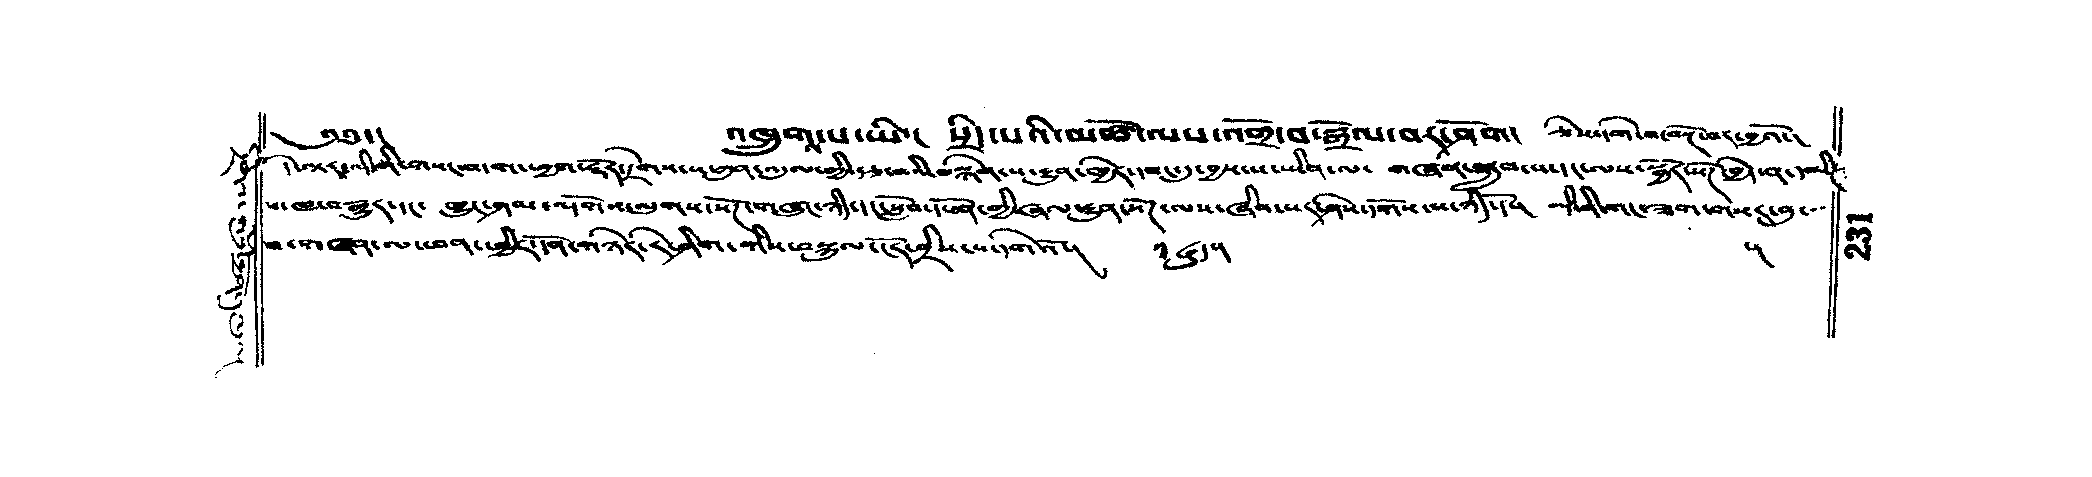འཁྲུགས་པ་ཡི། །སྲིད་པའི་མཚོ་ལས་འགྲོ་བ་སྒྲོལ་བར་ཤོག་ 1$10002501$1000180 ཅེས་དགེ་བ་བསྔོ་བར་བྱའོ། 
དེ་ལྟར་འདི་ནི་གསང་བདག་ཕྱག་རྡོར་དྲེགས་པ་ཀུན་འདུལ་གྱི་རྩ་བའི་བསྙེན་པ་རྒྱུན་ཁྱེར་དབང་དུ་བྱས་པ་ཡིན་ལ། གཞན་སྒྲུབ་པ་དང་ལས་སྦྱོར་སོགས་བྱེད་ན་དམིགས་
པ་ཁ་བསྒྱུར་དང་། ཁྱུང་ཤམ་འདོགས་སོགས་གཞུང་ཉིད་དང་སློབ་དཔོན་གྱི་ཞལ་རྒྱུན་སོགས་ལས་ཞིབ་པར་ཤེས་དགོས་པ་ཉིད་དོ། འདི་ནི་གང་ཟག་གསར་བུ་
པ་རྣམས་ལ་ཕན་ཕྱིར་དོན་གཉེར་རེ་ཞིག་གིས་བསྐུལ་ངོར་བྲིས་པ་དགེའོ།